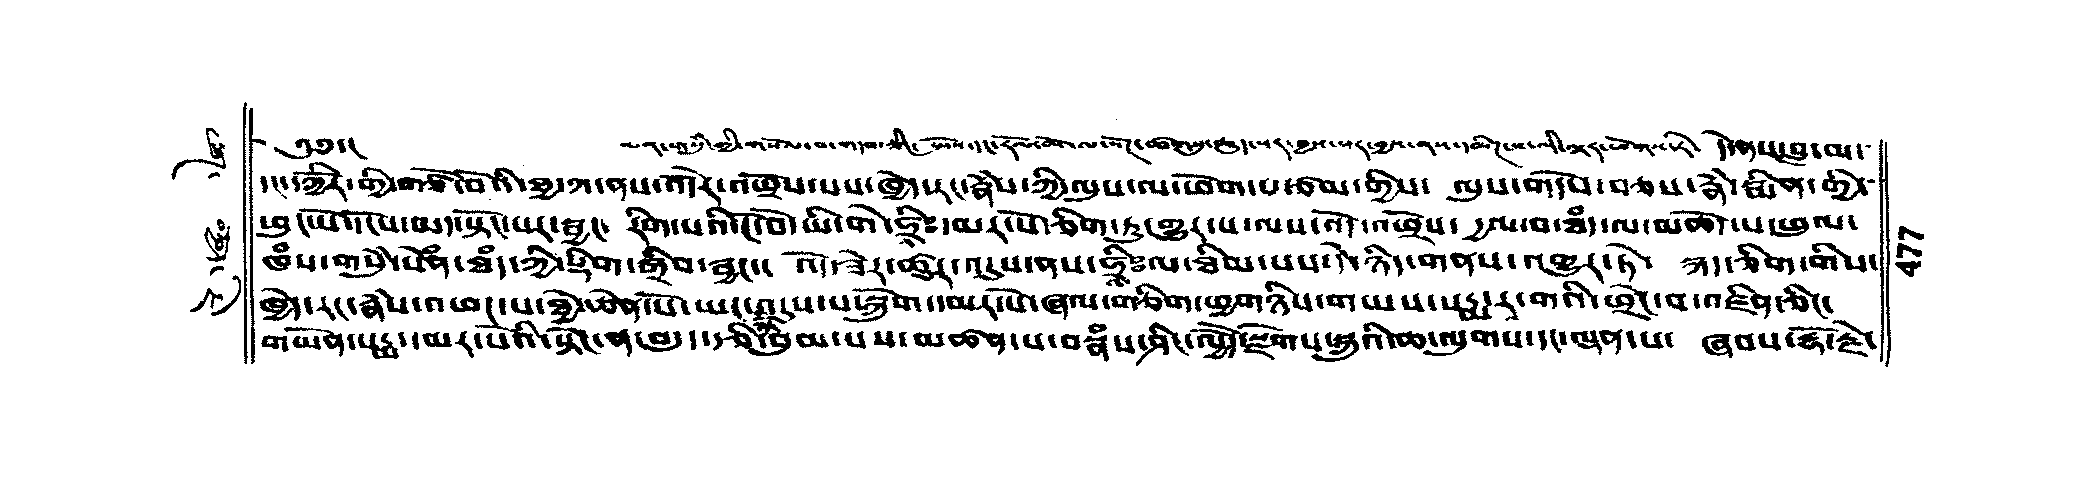ལན་གསུམ་གྱི་གསོལ་བ་གདབ་ཅིང་། སྤོས་དང་རོལ་མོ་ལ་སོགས་ཚགས་སུ་ཆུད་པར་བྱས་ནས་དམིགས་པ་འདི་ལྟར་ཕོགས་ཏེ། དེ་ནས་བླ་མ་
དང་དཀྱིལ་འཁོར་གྱི་གཙོ་བོའི་ཐུགས་ཀ་ནས་འོད་ཟེར་འཕྲོས་པས་ཁྱེད་རང་རྣམས་ཀྱི་ལུས་ལ་ཕོག་པ་ཙམ་གྱིས། ལུས་གདོད་བཅས་རྣམ་སྨིན་གྱི་
ཕུང་པོ་དངོས་མེད་སྟོང་པར་སྦྱང་། རིག་པའི་ངོ་བོ་ཡི་གེ་ཧྲིཿ་་་་་་་་་་་་ལ་ཐིམ་པས་དེ་ཉིད་གནས་འགྱུར་ཏེ། སྐད་ཅིག་གིས་
ཁྱེད་རང་རྣམས་འཕགས་པ་ཐུགས་རྗེ་ཆེན་པོ་ཡང་སྙིང་འདུས་པ་སྐུ་མདོག་དམར་པོ་ཞལ་གཅིག་ཕྱག་གཉིས་གཡས་པདྨ་རྭ་གའི་ཕྲེང་བ་འཛིན་ཅིང་། 
གཡོན་པདྨ་དམར་པོའི་སྟེང་ན་བདུད་རྩི་བུམ་པས་མཚན་པ་བསྣམས་ཤིང་ལོངས་སྤྱོད་རྫོགས་སྐུའི་ཆ་ལུགས་དང་ལྡན་པ། ཞབས་རྡོ་རྗེ་